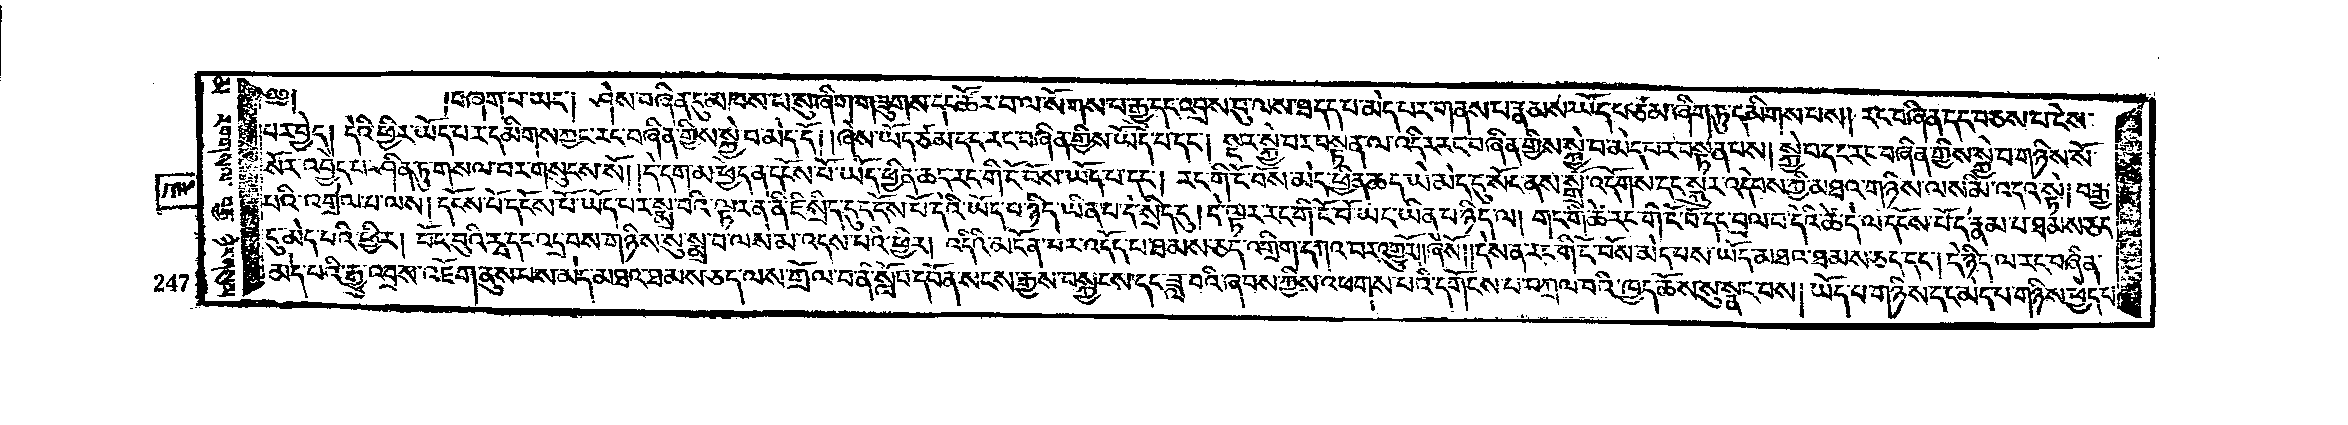༄༅། །བཞག་པ་ཡང་། ཤེས་བཞིན་དུ་མཁས་པ་སུ་ཞིག་གཟུགས་དང་ཚོར་བ་ལ་སོགས་པ་རྒྱུ་དང་འབྲས་བུ་ལས་ཐ་དད་པ་མེད་པར་གནས་པ་རྣམས་ཡོད་པ་ཙམ་ཞིག་ཏུ་དམིགས་པས། རང་བཞིན་དང་བཅས་པ་ངེས་
པར་བྱེད། དེའི་ཕྱིར་ཡོད་པར་དམིགས་ཀྱང་རང་བཞིན་གྱིས་སྐྱེ་བ་མེད་དོ། །ཞེས་ཡོད་ཙམ་དང་རང་བཞིན་གྱིས་ཡོད་པ་དང་། སྔར་སྐྱེ་བར་བསྟན་ལ་འདིར་རང་བཞིན་གྱིས་སྐྱེ་བ་མེད་པར་བསྟན་པས། སྐྱེ་བ་དང་རང་བཞིན་གྱིས་སྐྱེ་བ་གཉིས་སོ་
སོར་འབྱེད་པ་ཤིན་ཏུ་གསལ་བར་གསུངས་སོ། །དེ་དག་མ་ཕྱེད་ན་དངོས་པོ་ཡོད་ཕྱིན་ཆད་རང་གི་ངོ་བོས་ཡོད་པ་དང་། རང་གི་ངོ་བོས་མེད་ཕྱིན་ཆད་ཡེ་མེད་དུ་སོང་ནས་སྒྲོ་འདོགས་དང་སྐུར་འདེབས་ཀྱི་མཐའ་གཉིས་ལས་མི་འདའ་སྟེ། བརྒྱ་
པའི་འགྲེལ་པ་ལས། དངོས་པོ་དངོས་པོ་ཡོད་པར་སྨྲ་བའི་ལྟར་ན་ནི་ཇི་སྲིད་དུ་དངོས་པོ་དེའི་ཡོད་པ་ཉིད་ཡིན་པ་དེ་སྲིད་དུ། དེ་ལྟར་རང་གི་ངོ་བོ་ཡང་ཡིན་པ་ཉིད་ལ། གང་གི་ཚེ་རང་གི་ངོ་བོ་དང་བྲལ་བ་དེའི་ཚེ་དེ་ལ་དངོས་པོ་དེ་རྣམ་པ་ཐམས་ཅད་
དུ་མེད་པའི་ཕྱིར། བོང་བུའི་རྭ་དང་འདྲ་བས་གཉིས་སུ་སྨྲ་བ་ལས་མ་འདས་པའི་ཕྱིར། འདིའི་མངོན་པར་འདོད་པ་ཐམས་ཅད་འགྲིག་དཀའ་བར་འགྱུར་རོ། །ཞེས་སོ། །དེས་ན་རང་གི་ངོ་བོས་མེད་པས་ཡོད་མཐའ་ཐམས་ཅད་དང་། དེ་ཉིད་ལ་རང་བཞིན་
མེད་པའི་རྒྱུ་འབྲས་འཇོག་ནུས་པས་མེད་མཐའ་ཐམས་ཅད་ལས་གྲོལ་བ་ནི་སློབ་དཔོན་སངས་རྒྱས་བསྐྱངས་དང་ཟླ་བའི་ཞབས་ཀྱིས་འཕགས་པའི་དགོངས་པ་བཀྲལ་བའི་ཁྱད་ཆོས་སུ་སྣང་བས། ཡོད་པ་གཉིས་དང་མེད་པ་གཉིས་ཕྱེད་པ་